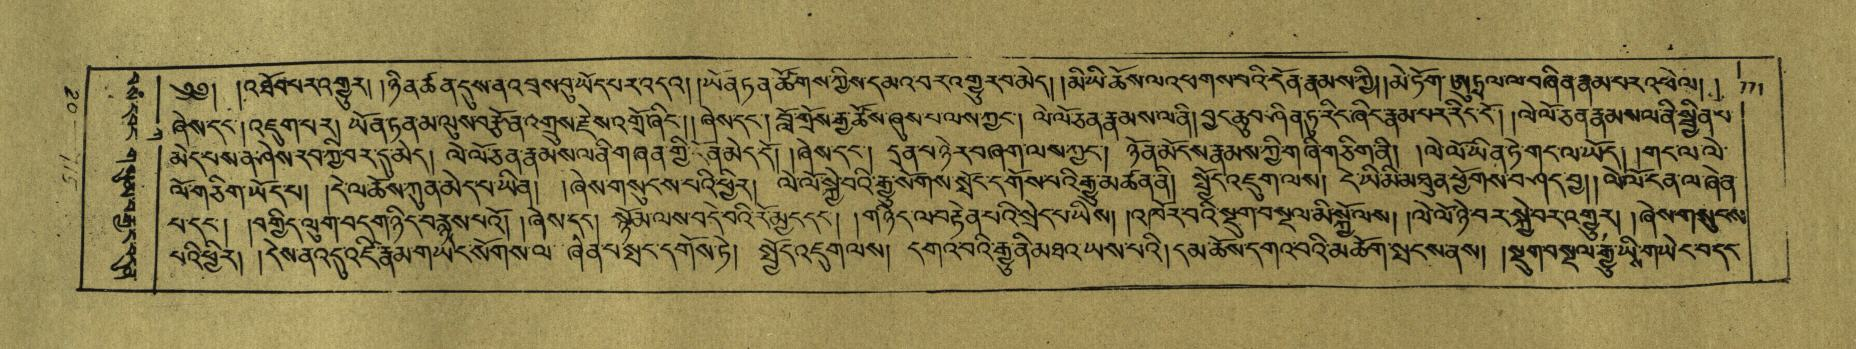༄༅། །འཐོབ་པར་འགྱུར། །ཉིན་ཚན་དུས་ན་འབྲས་བུ་ཡོད་པར་འདའ། །ཡོན་ཏན་ཚོགས་ཀྱིས་དམའ་བར་འགྱུར་བ་མེད། །མི་ཡི་ཆོས་ལ་འཕགས་པའི་དོན་རྣམས་ཀྱི། །མེ་ཏོག་ཨུཏྤལ་ལ་བཞིན་རྣམ་པར་འཕེལ། །
ཞེས་དང་། འཇུག་པར། ཡོན་ཏན་མ་ལུས་བརྩོན་འགྲུས་རྗེས་འགྲོ་ཞིང་། །ཞེས་དང་། བློ་གྲོས་རྒྱ་ཚོས་ཞུས་པ་ལས་ཀྱང་། ལེ་ལོ་ཅན་རྣམས་ལ་ནི། བྱང་ཆུབ་ཤིན་ཏུ་རིང་ཞིང་རྣམ་པར་རིང་ངོ། །ལེ་ལོ་ཅན་རྣམས་ལ་ནི་སྦྱིན་པ་
མེད་པས་ན་ཤེས་རབ་ཀྱི་བར་དུ་མེད། ལེ་ལོ་ཅན་རྣམས་ལ་ནི་གཞན་གྱི་ངོན་མེད་དོ། །ཞེས་དང་། དྲན་པ་ཉེར་བཞག་ལས་ཀྱང་། ཉོན་མོངས་རྣམས་ཀྱི་གཞི་གཅིག་ནི། །ལེ་ལོ་ཡིན་ཏེ་གང་ལ་ཡོད། །གང་ལ་ལེ་
ལོ་གཅིག་ཡོད་པ། །དེ་ལ་ཆོས་ཀུན་མེད་པ་ཡིན། །ཞེས་གསུངས་པའི་ཕྱིར། ལེ་ལོ་སྐྱེ་བའི་རྒྱུ་སོགས་སྤོང་དགོས་པའི་རྒྱུ་མཚན་ནི། སྤྱོད་འཇུག་ལས། དེ་ཡི་མི་མཐུན་ཕྱོགས་བཤད་བྱ། །ལེ་ལོ་ངན་ལ་ཞེན་
པ་དང་། །བགྱིད་ལུག་བདག་ཉིད་བརྙས་པའོ། །ཞེས་དང་། སྙོམ་ལས་བདེ་བའི་རོ་མྱང་དང་། །གཉིད་ལ་བརྟེན་པའི་སྲེད་པ་ཡིས། །འཁོར་བའི་སྡུག་བསྔལ་མི་སྐྱོ་ལས། །ལེ་ལོ་ཉེ་བར་སྐྱེ་བར་འགྱུར། །ཞེས་གསུངས་
པའི་ཕྱིར། །དེས་ན་འདུ་འཛི་རྣམ་གཡང་སོགས་ལ་ཞེན་པ་སྤང་དགོས་ཏེ། སྤྱོད་འཇུག་ལས། དགའ་བའི་རྒྱུ་ནི་མཐའ་ཡས་པའི། དམ་ཆོས་དགའ་བའི་མཆོག་སྤངས་ནས། །སྡུག་བསྔལ་རྒྱུ་ཡིས་གཡེང་བ་དང་